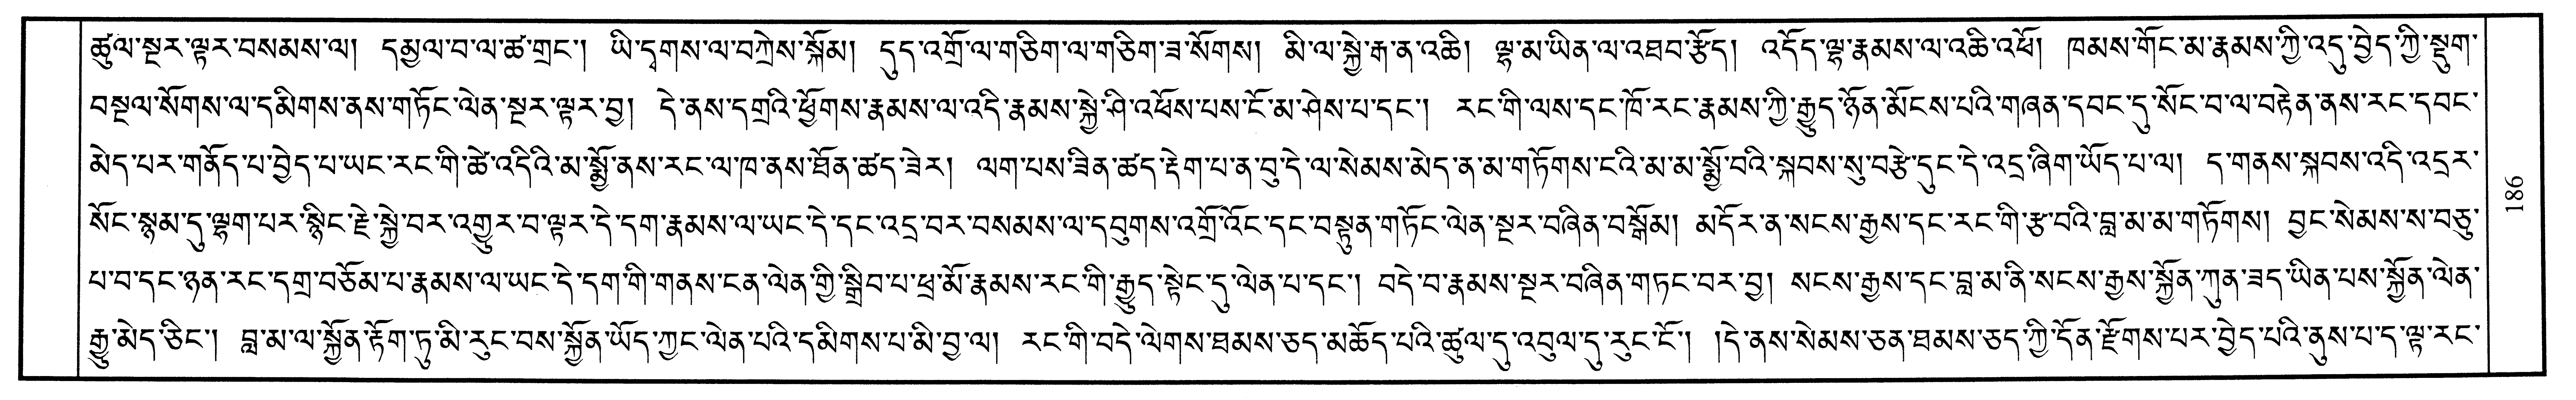ཚུལ་སྔར་ལྟར་བསམས་ལ། དམྱལ་བ་ལ་ཚ་གྲང་། ཡི་དྭགས་ལ་བཀྲེས་སྐོམ། དུད་འགྲོ་ལ་གཅིག་ལ་གཅིག་ཟ་སོགས། མི་ལ་སྐྱེ་རྒ་ན་འཆི། ལྷ་མ་ཡིན་ལ་འཐབ་རྩོད། འདོད་ལྷ་རྣམས་ལ་འཆི་འཕོ། ཁམས་གོང་མ་རྣམས་ཀྱི་འདུ་བྱེད་ཀྱི་སྡུག་
བསྔལ་སོགས་ལ་དམིགས་ནས་གཏོང་ལེན་སྔར་ལྟར་བྱ། དེ་ནས་དགྲའི་ཕྱོགས་རྣམས་ལ་འདི་རྣམས་སྐྱེ་ཤི་འཕོས་པས་ངོ་མ་ཤེས་པ་དང་། རང་གི་ལས་དང་ཁོ་རང་རྣམས་ཀྱི་རྒྱུད་ཉོན་མོངས་པའི་གཞན་དབང་དུ་སོང་བ་ལ་བརྟེན་ནས་རང་དབང་
མེད་པར་གནོད་པ་བྱེད་པ་ཡང་རང་གི་ཚེ་འདིའི་མ་སྨྱོ་ནས་རང་ལ་ཁ་ནས་ཐོན་ཚད་ཟེར། ལག་པས་ཟིན་ཚད་རྡེག་པ་ན་བུ་དེ་ལ་སེམས་མེད་ན་མ་གཏོགས་ངའི་མ་མ་སྨྱོ་བའི་སྐབས་སུ་བརྩེ་དུང་དེ་འདྲ་ཞིག་ཡོད་པ་ལ། ད་གནས་སྐབས་འདི་འདྲར་
སོང་སྙམ་དུ་ལྷག་པར་སྙིང་རྗེ་སྐྱེ་བར་འགྱུར་བ་ལྟར་དེ་དག་རྣམས་ལ་ཡང་དེ་དང་འདྲ་བར་བསམས་ལ་དབུགས་འགྲོ་འོང་དང་བསྟུན་གཏོང་ལེན་སྔར་བཞིན་བསྒོམ། མདོར་ན་སངས་རྒྱས་དང་རང་གི་རྩ་བའི་བླ་མ་མ་གཏོགས། བྱང་སེམས་ས་བཅུ་
པ་བ་དང་ཉན་རང་དགྲ་བཅོམ་པ་རྣམས་ལ་ཡང་དེ་དག་གི་གནས་ངན་ལེན་གྱི་སྒྲིབ་པ་ཕྲ་མོ་རྣམས་རང་གི་རྒྱུད་སྟེང་དུ་ལེན་པ་དང་། བདེ་བ་རྣམས་སྔར་བཞིན་གཏང་བར་བྱ། སངས་རྒྱས་དང་བླ་མ་ནི་སངས་རྒྱས་སྐྱོན་ཀུན་ཟད་ཡིན་པས་སྐྱོན་ལེན་
རྒྱུ་མེད་ཅིང་། བླ་མ་ལ་སྐྱོན་རྟོག་ཏུ་མི་རུང་བས་སྐྱོན་ཡོད་ཀྱང་ལེན་པའི་དམིགས་པ་མི་བྱ་ལ། རང་གི་བདེ་ལེགས་ཐམས་ཅད་མཆོད་པའི་ཚུལ་དུ་འབུལ་དུ་རང་ངོ། །དེ་ནས་སེམས་ཅན་ཐམས་ཅད་ཀྱི་དོན་རྫོགས་པར་བྱེད་པའི་ནུས་པ་ད་ལྟ་རང་